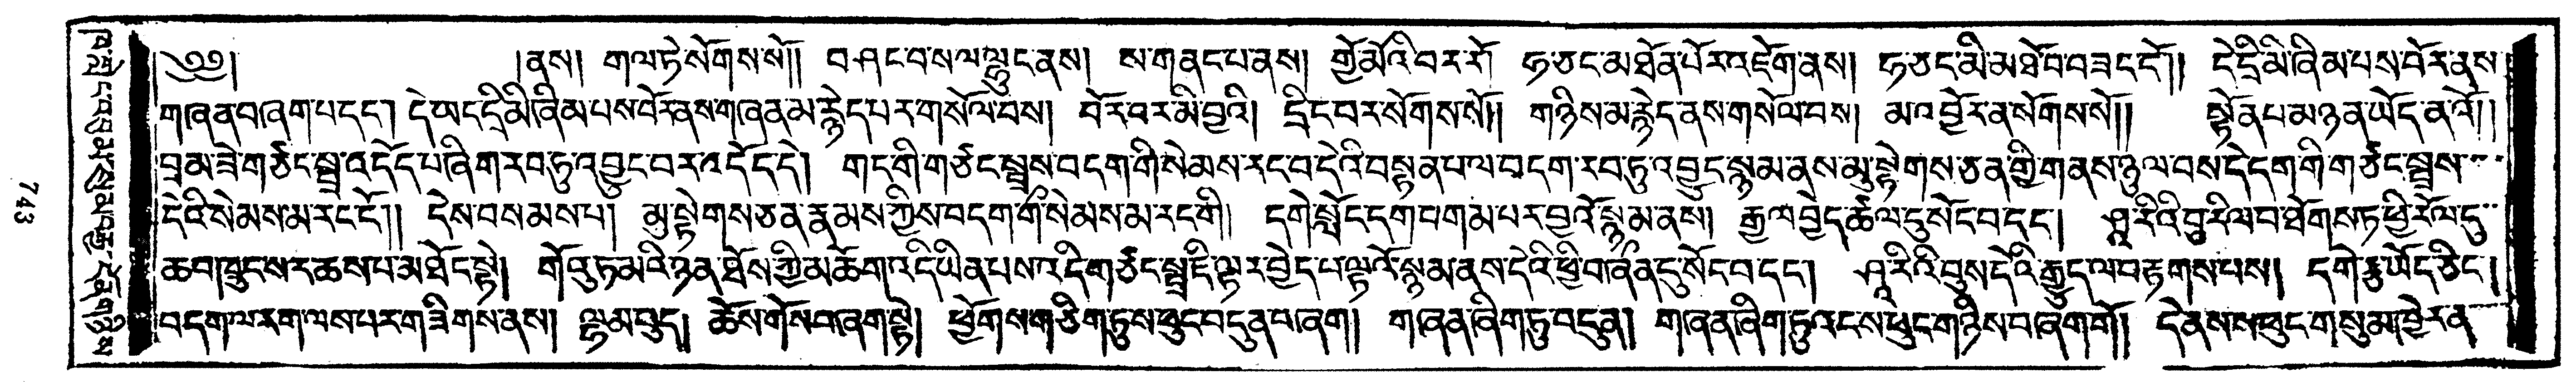༄༅། །ནས། གལ་ཏེ་སོགས་སོ།། བཤད་པ་ས་ལ་ལྷུང་ནས། ས་གནང་པ་ནས། གྱོ་མོའི་བར་རོ།། ཧ་ཅང་མཐོན་པོར་འཇོག་ནས། ཧ་ཅང་མི་མཐོ་བ་བཟང་ངོ།། དེ་དྲི་མི་ཞིམ་པས་བོར་ནས་
གཞན་བཞག་པ་དང་། དེ་ཡང་དྲི་མི་ཞིམ་པས་བོར་ནས་གཞན་མ་རྙེད་པར་གསོལ་བས། བོར་བར་མི་བྱའི། དྲིང་བར་སོགས་སོ།། གཉིས་མ་རྙེད་ནས་གསོལ་བས། མ་འབྱོར་ན་སོགས་སོ།། སྟོན་པ་མཉན་ཡོད་ནའོ།།
བྲམ་ཟེ་གཙང་སྦྲ་འདོད་པ་ཞིག་རབ་ཏུ་འབྱུང་བར་འདོད་དེ། གང་གི་གཙང་སྦྲས་བདག་གི་སེམས་རང་བ་དེའི་བསྟན་པ་ལ་བདག་རབ་ཏུ་འབྱུང་སྙམ་ནས་མུ་སྟེགས་ཅན་གྱི་གནས་ཉུལ་བས་དེ་དག་གི་གཙང་སྦྲས་
དེའི་སེམས་མ་རང་ངོ།། དེས་བསམས་པ། མུ་སྟེགས་ཅན་རྣམས་ཀྱིས་བདག་གྀ་སེམས་མ་རང་གི། དགེ་སློང་དག་བགམ་པར་བྱའོ་སྙམ་ནས། རྒྱལ་བྱེད་ཚལ་དུ་སོང་བ་དང་། ཤཱ་རིའི་བུ་རིལ་བ་ཐོགས་ཏ་ཕྱི་རོལ་དུ་
ཆབ་ཁྲུང་སར་ཆས་པ་མཐོང་སྟེ། གོའུ་ཏ་མའི་ཉན་ཐོས་ཀྱི་མཆོག་འདི་ཡིན་པས་འདི་གཙང་སྦྲ་ཇི་ལྟར་བྱེད་པ་ལྟའོ་སྙམ་ནས་དེའི་ཕྱི་བཞྀན་དུ་སོང་བ་དང་། ཤཱ་རིའི་བུས་དེའི་རྒྱུད་ལ་བརྟགས་པས། དགེ་རྩ་ཡོད་ཅིང་།
བདག་ལ་རག་ལས་པར་གཟིགས་ནས། ལྷམ་བུད། ཆོས་གོས་བཞག་སྟེ། ཕྱོགས་གཅིག་ཏུ་ས་ཕུང་བདུན་བཞག། གཞན་ཞིག་ཏུ་བདུན། གཞན་ཞིག་ཏུའང་ས་ཕུང་གཉིས་བཞག་གོ། དེ་ནས་ས་ཕུང་གསུམ་ཁྱེར་ན་